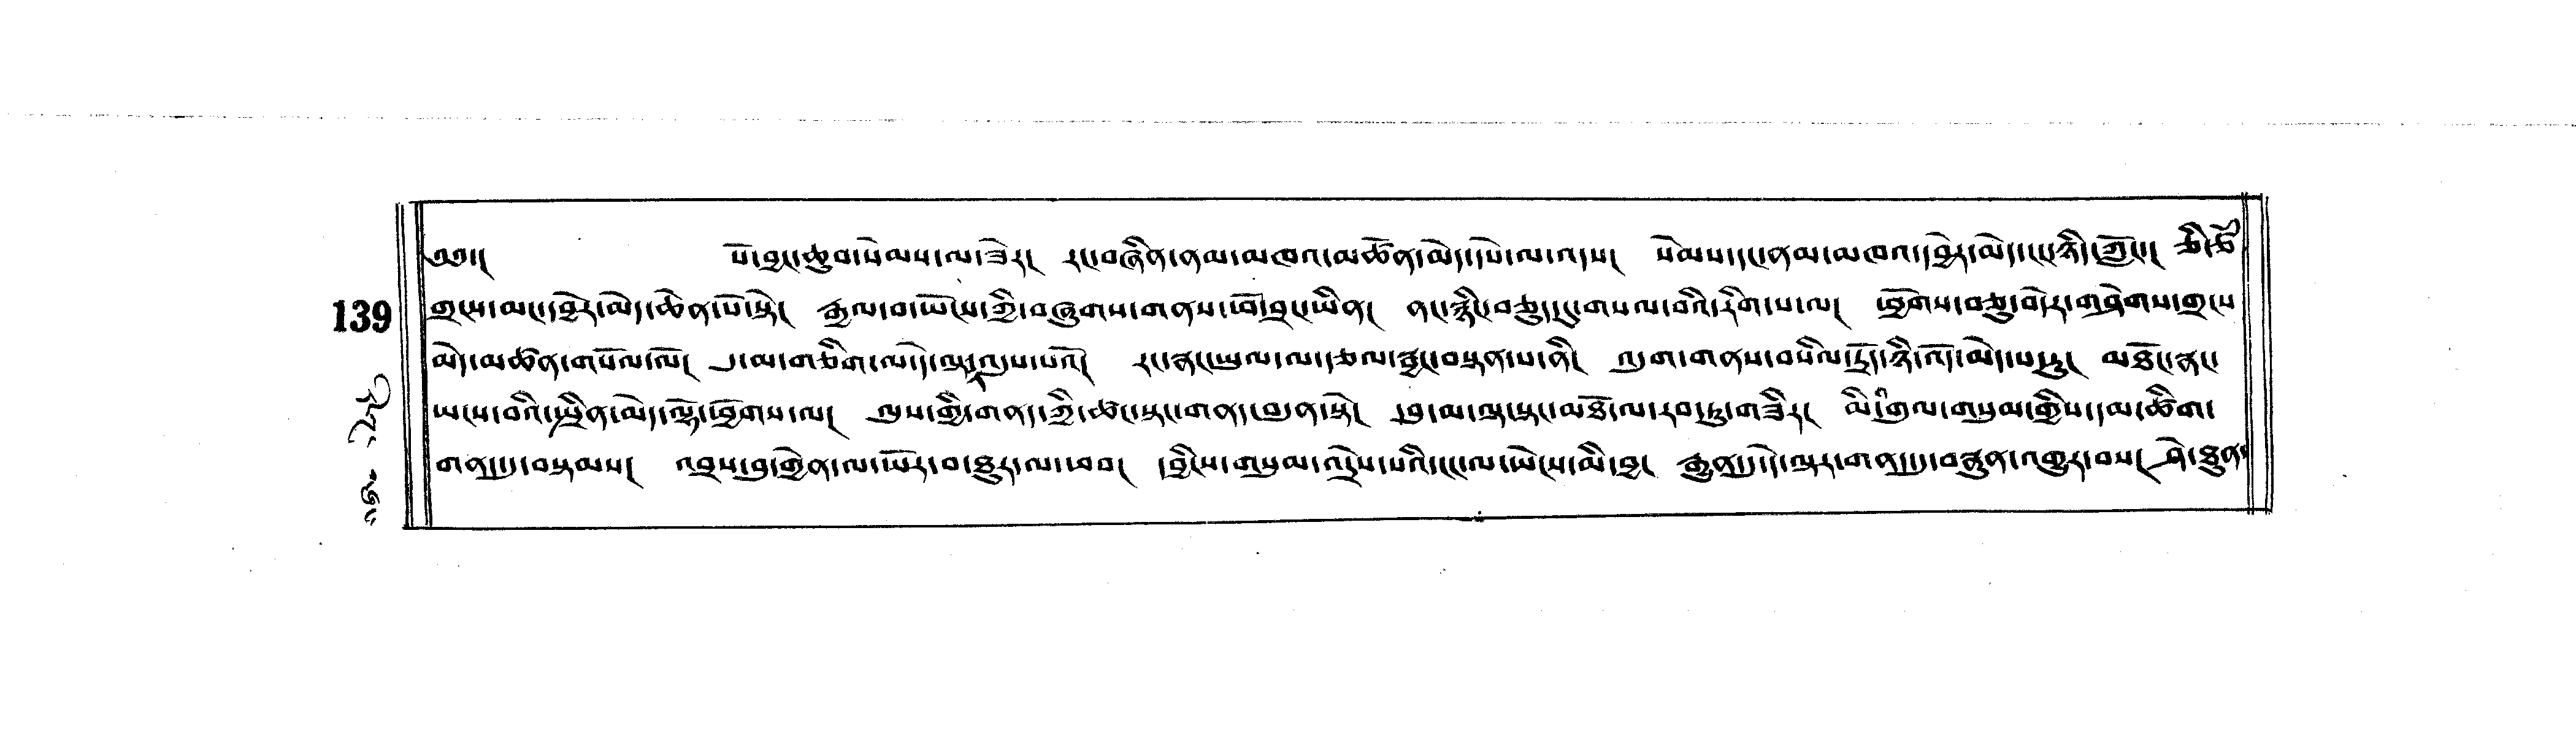པོ་བྱང་ཆུབ་སེམས་ལ་ཟེར། རང་བཞིན་ནམ་མཁའ་མཚོན་མེད་དཔེ་ལས་འདས། སེམས་དང་ནམ་མཁའ་དབྱེར་མེད་ངང་ཉིད་ཀློང་། ཅི་ཙམ་
གྲངས་མང་དབྱེར་མེད་ཆེན་པོ་སྟེ། རྒྱལ་བ་ཡོངས་ཀྱི་བཞུགས་གནས་ཕོ་བྲང་ཡིན། ནང་སྙིང་བཅུད་དུ་གསལ་བའི་རིག་པ་ལ། ཕྱོགས་བཅུ་བདེར་གཤེགས་གྲངས་
མེད་མཚན་གསོལ་ལོ། དུ་མ་གཅིག་ལ་དེ་ལྟར་འདུས་པའོ། རང་སྣང་ཡུལ་ལ་རྩལ་སྦྱངས་བསྟན་པ་ནི། འདུག་གནས་བསིལ་དྲོད་ཉི་འོད་མེད་པ་རུ། མཐོང་སྣང་
ཡངས་པའི་སྤྲིན་མེད་ལྷོ་ཕྱོགས་ལ། ལུས་ཀྱི་གནད་ཀྱི་ཚང་སྟང་གནད་བདུན་ཏེ། དབུ་མ་ལྟ་སྟངས་མཐོ་ལ་རབ་ཏུ་གཟིར། མི་འགུལ་གསུམ་གྱིས་དམ་ཚིག་
གནད་དུ་བསྡམས། འབྲས་བུ་གྱེན་ལ་ཡོར་བ་ཐུར་ལ་ཕབ། དབྱིངས་གསུམ་འདྲེས་པའི་ངང་ལ་ཡེངས་མི་བྱ། རྒྱུན་དུ་དེ་ལྟར་གནད་དུ་བསྣུན་གྱུར་པས། ཤེ་ཐུན་